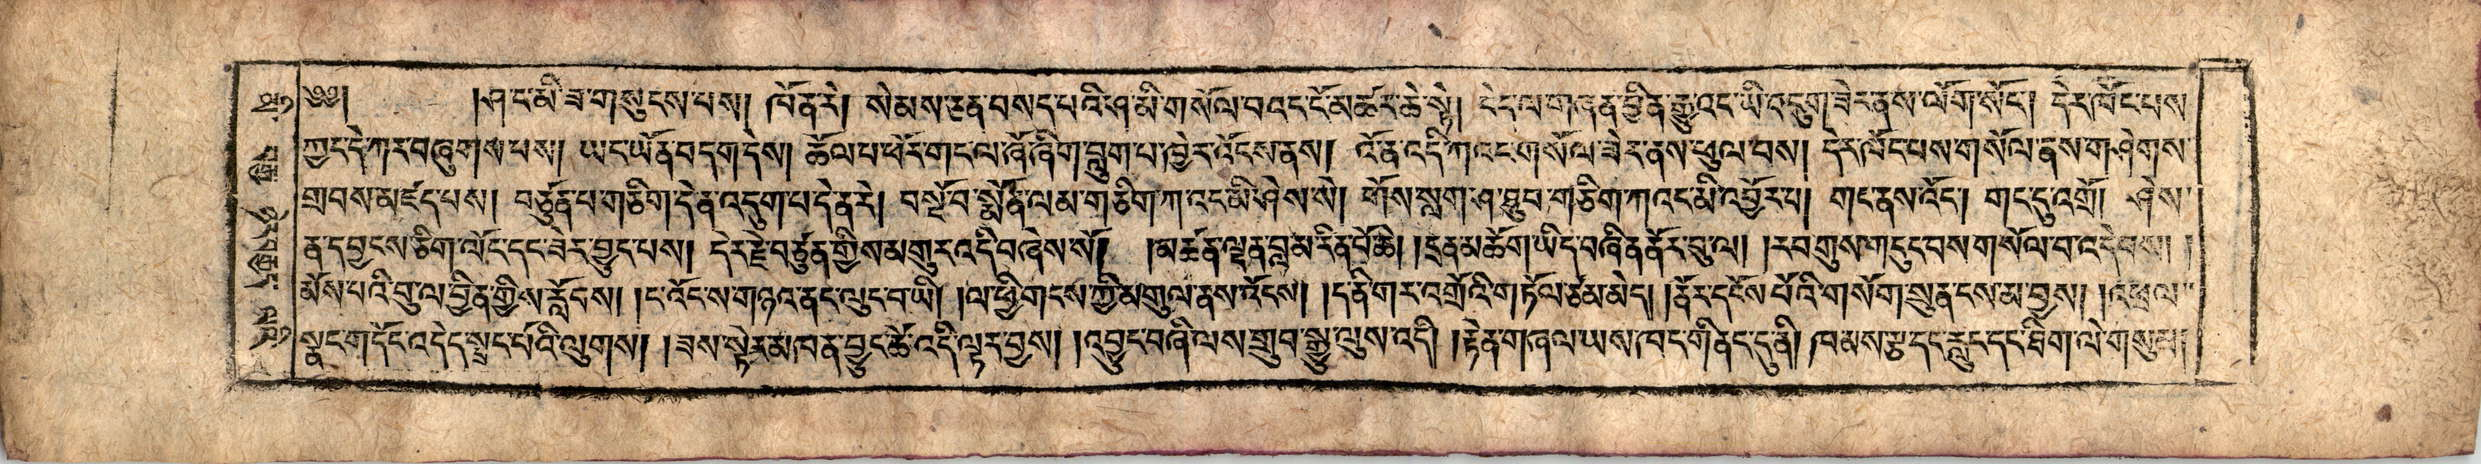ཤ་མི་ཟ་གསུངས་པས། ཁོ་ན་རེ། སེམས་ཅན་བསད་པའི་ཤ་མི་གསོལ་བའང་ངོ་མཚར་ཆེ་སྟེ། ངེད་ལ་གཞན་བྱིན་རྒྱུ་འང་མི་འདུག་ཟེར་ནས་ལོག་སོང་། དེར་ཁོང་པས་
ཀྱང་དེ་ཀར་བཞུགས་པས། ཡང་ཡོན་བདག་དེས། ཆོལ་པ་ཕོར་གང་ལ་ཞོ་ཞིག་བླུག་པ་ཁྱེར་འོངས་ནས། འོ་ན་འདི་ཀའང་གསོལ་ཟེར་ནས་ཕུལ་བས། དེར་འོང་པས་གསོལ་ནས་གཤེགས་
གྲབས་མཛད་པས། བཙུན་པ་གཅིག་དེ་ན་འདུག་པ་དེ་ན་རེ། བསྔོ་བ་སྨོན་ལམ་གཅིག་ཀ་འང་མི་ཤེས་ཨེ། གོས་སླག་ཤ་ཐུབ་གཅིག་ཀའང་མི་འབྱོར་པ། གང་ནས་འོང་། གང་དུ་འགྲོ། ཤེས་
ན་དབྱངས་ཅིག་ལོང་དང་ཟེར་བྱུང་བས། དེར་རྗེ་བཙུན་གྱིས་མགུར་འདི་བཞེས་སོ། །མཚན་ལྡན་བླ་མ་རིན་པོ་ཆེ། །དྲན་མཆོག་ཡིད་བཞིན་ནོར་བུ་ལ། །རབ་གུས་གདུང་བས་གསོལ་བ་འདེབས། །
མོས་པའི་བུ་ལ་བྱིན་གྱིས་རློབས། །ང་འོང་ས་གཉའ་ནང་ལུང་པ་ཡི། །ལ་ཕྱི་གངས་ཀྱི་མགུལ་ནས་འོངས། །ད་ནི་གར་འགྲོའི་གཏོལ་ཙམ་མེད། །ནོར་དངོས་པོའི་གསོག་སྲུང་ངས་མ་བྱས། །འཕྲལ་
སྣང་གདོང་འདེད་སྤྲང་པོའི་ལུགས། །ཟས་སྟེར་མཁན་བྱུང་ཚེ་འདི་ལྟར་བྱས། །འབྱུང་བཞི་ལས་གྲུབ་སྒྱུ་ལུས་འདི། །རྟེན་གཞལ་ཡས་ཁང་གི་ནང་དུ་ནི། ཁམས་རྩ་དང་རླུང་དང་ཐིག་ལེ་གསུམ། །